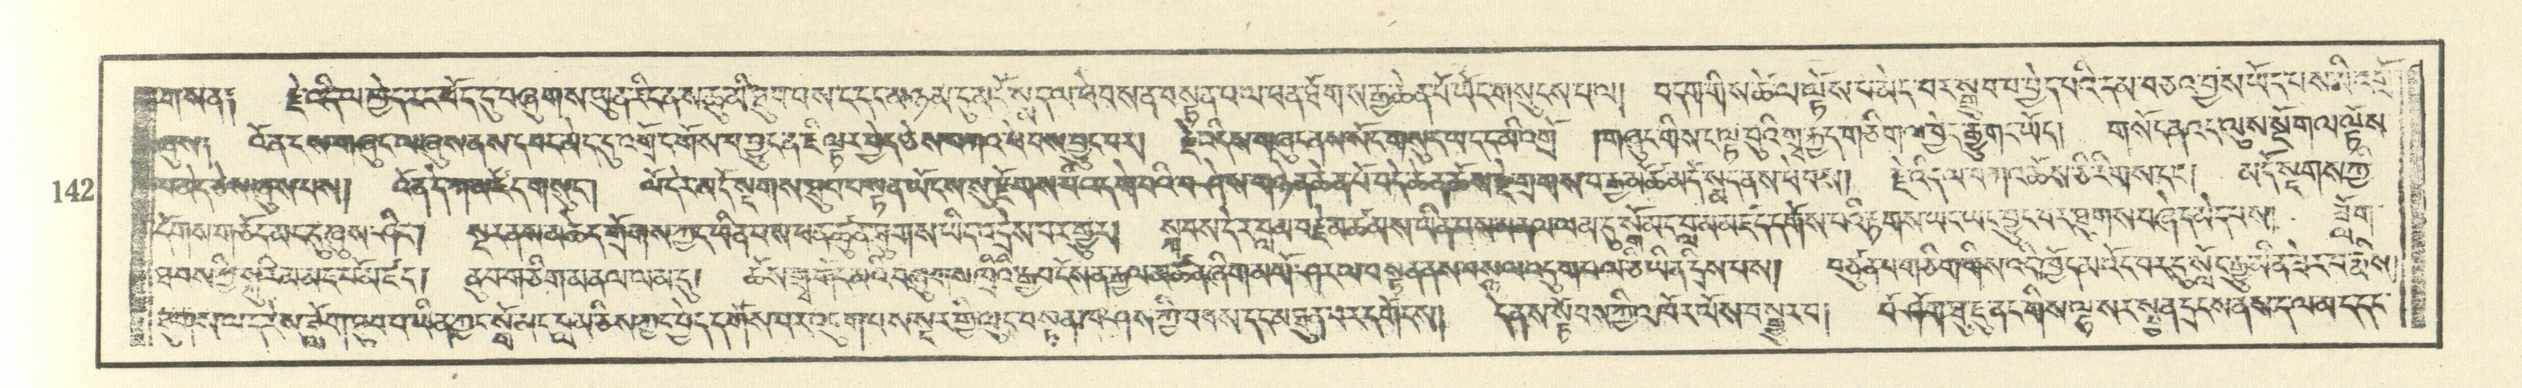གསན༑ རྗེ་འདི་ལ་ཁྱེད་རང་བོད་དུ་བཞུགས་ཡུན་རིང་ནས་ཆུ་མི་ཐུབ་པས་ང་དང་མཉམ་དུ་མདོ་སྨད་ལ་ཕེབས་ན་བསྟན་པ་ལ་ཕན་ཐོགས་རྒྱ་ཆེན་པོ་ཡོང་གསུངས་པ་ལ། བདག་གིས་ཚེ་ལ་ལྟོས་པ་མེད་པར་སྒྲུབ་པ་བྱེད་པའི་དམ་བཅའ་བྱས་ཡོད་པས་མི་འགྲོ་
ཞུས༑ འོ་ན་ངས་གཞུང་ལ་ཞུས་ནས་དབང་མེད་དུ་འགྲོ་དགོས་པ་བྱུང་ན་ཇི་ལྟར་བྱེད་ཅེས་བཀའ་ཕེབས་བྱུང་བར། རྗེ་འདིས་གཞུང་ནས་སོང་གསུང་ཡ་དང་མི་འགྲོ་།གཞུང་གིས་ང་ལྟ་བུའི་གྲྭ་རྐྱང་གཅིག་ལ་བྱེད་རྒྱུ་གང་ཡོད། གསོད་ནའང་ལུས་སྲོག་ལ་ལྟོས་
པ་མེད་ཅེས་ཞུས་པས། འོ་ན་དེ་ཀ་མཛོད་གསུང་། ལོ་དེར་མདོ་སྔགས་ཐུབ་བསྟན་ཡོངས་སུ་རྫོགས་པའི་དགེ་བའི་བཤེས་གཉེན་ཆེན་པོ་བདེ་ཆེན་ཆོས་རྗེ་གྲགས་པ་རྒྱ་མཚོ་མདོ་སྨད་ནས་ཕེབས། རྗེ་འདི་ལ་བཀའ་ཆོས་ཅི་རིགས་དང་། མདོ་སྔགས་ཀྱི་
དོགས་གཅོད་མང་དུ་ཞུས་ཤིང་། སྔར་ནས་མཆེད་གྲོགས་ཀྱང་ཡིན་པས་ཕན་ཚུན་ཐུགས་ཡིད་འདྲེས་པར་གྱུར། སྐབས་དེར་བླ་མ་བརྗེ་མཚམས་ཡིན་པས་མནལ་ལམ་དུ་སྒོ་མང་བླ་མ་མཛད་དགོས་པའི་རྟགས་ཡང་ཡང་བྱུང་བར་ཐུགས་བཞེད་མེད་པས། ཟློག་
ཐབས་ཀྱི་སྐུ་རིམ་མང་པོ་མཛད། ནུབ་གཅིག་མནལ་ལམ་དུ། ཆོས་གྲྭ་གོང་མའི་བཞུགས་ཁྲིའི་རྒྱབ་ངོས་ན་རྒྱལ་མཚན་ཞིག་མགོ་ཤར་ལ་བསྟན་ནས་བསྙལ་འདུག་པ་ལ་ཅི་ཡིན་དྲིས་པས། བཙུན་པ་གཅིག་གིས་འདི་ཁྱོད་མ་འོང་བར་དུ་སློང་རྒྱུ་མིན་ཟེར་བ་རྨིས།
ཐུགས་ལ་ད་རེས་ཟློག་ཐུབ་པ་ཡིན་ཀྱང་སྒོ་མང་བླ་མ་ཅིས་ཀྱང་བྱེད་དགོས་པར་འདུག་པས་སྔར་གྱི་ལུང་བསྟན་ཁ་ཤས་ཀྱི་བབས་དང་མཐུན་བར་དགོངས། དེ་ནས་སྟོབས་ཀྱི་འཁོར་ལོས་བསྒྱུར་བ། བོ་ཤོག་ཐུ་ཇུ་ནང་གིས་ལྷ་སར་སྤྱན་དྲངས་ནས་ད་ལམ་ད་དང་